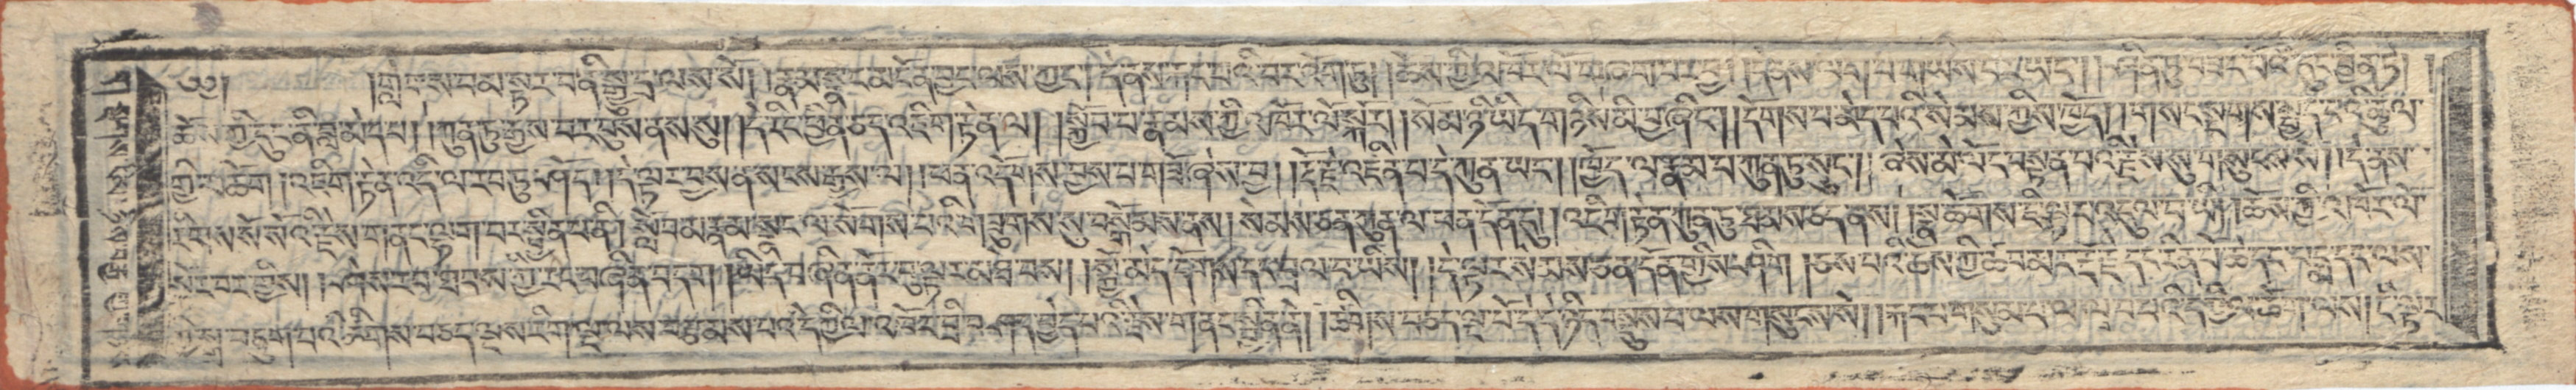༄༅། །གླེགས་བམ་སྟེར་བ་ནི་སྒྱུ་དྲ་ལས་སོ། །རྣམ་སྣང་མངོན་བྱང་ལས་ཀྱང་། དེ་ནས་རྐང་པའི་བར་འོག་ཏུ། །ཆོས་ཀྱི་འཁོར་ལོ་གཞག་པར་བྱ། །དེ་ནས་ལག་པ་གཡས་བར་ཡང་། །ཤིན་ཏུ་བཟང་པོའི་དུང་བྱིན་ཏེ། །
ཆོས་ཀྱི་དུང་ནི་བླ་མེད་པ། །ཀུན་ཏུ་རྒྱས་བར་བུས་ནས་སུ། །དེ་རིང་ཕྱིན་ཅད་འཇིག་རྟེན་ལ། །སྐྱོབ་པ་རྣམས་ཀྱི་འཁོར་ལོ་སྐོར། །སོམ་ཉི་ཡིད་གཉིས་མི་བྱ་ཞིང་། །དོགས་པ་མེད་པའི་སེམས་ཀྱིས་ཁྱོད། །གསང་སྔགས་སྤྱད་པའི་ཚུལ་
གྱི་མཆོག །འཇིག་རྟེན་འདི་ལ་རབ་ཏུ་ཤོད། །དེ་ལྟར་བྱས་ན་སངས་རྒྱས་ལ། །ཕན་འདོགས་བྱས་པ་གཟོ་ཞེས་བྱ། །རྡོ་རྗེ་འཛིན་པ་དེ་ཀུན་ཡང་། །ཁྱོད་ལ་རྣམ་པ་ཀུན་ཏུ་སྲུང་། །ཞེས་མེ་ལོང་བསྟན་པའི་རྗེས་སུ་གསུངས་སོ། །དེ་ནས་
རིགས་སོ་སོའི་རྗེས་གནང་ལྷག་བར་སྦྱིན་པ་ནི། སློབ་མ་རྣམ་སྣང་ལ་སོགས་པའི་གཟུགས་སུ་བསྒོམས་ནས། སེམས་ཅན་ཀུན་ལ་ཕན་དོན་དུ། །འཇིག་རྟེན་ཀུན་ཏུ་ཐམས་ཅད་ནས། །སྣ་ཚོགས་ཇི་ལྟར་འདུལ་བ་ཡི། །ཆོས་ཀྱི་འཁོར་ལོ་
སྐོར་བར་གྱིས། །ཤེས་རབ་ཐབས་ཀྱི་རང་བཞིན་བདག །ཡིད་བཞིན་ནོར་བུ་ལྟར་མཐོ་བས། །སྐྱོ་མེད་དོགས་དང་བྲལ་བ་ཡིས། །དེ་ལྟར་སེམས་ཅན་དོན་གྱིས་ཤིག །ཅེས་པའི་ཆོས་ཀྱི་ཚབ་མར་རྡོ་རྗེ་དང་རིན་པོ་ཆེ་དང་པདམ་དང་ལས་
ཀྱི་སྒྲ་བཅུག་པའི་ཚིགས་བཅད་ལྔས་རིག་ལྔ་ལས་བརྩམས་པའི་དཀྱིལ་འཁོར་བྲི་བཤད་བྱེད་པའི་རྗེས་གནང་སྦྱིན་ནོ། །ཚིགས་བཅད་ལྔ་པོ་དེ་དེ་ཉིད་བསྡུས་པ་ལས་གསུངས་སོ། །རྐང་པ་གསུམ་པ་ལ་ལྭ་བ་པའི་དཀྱིལ་ཆོག་ལས། ཇི་ལྟར་